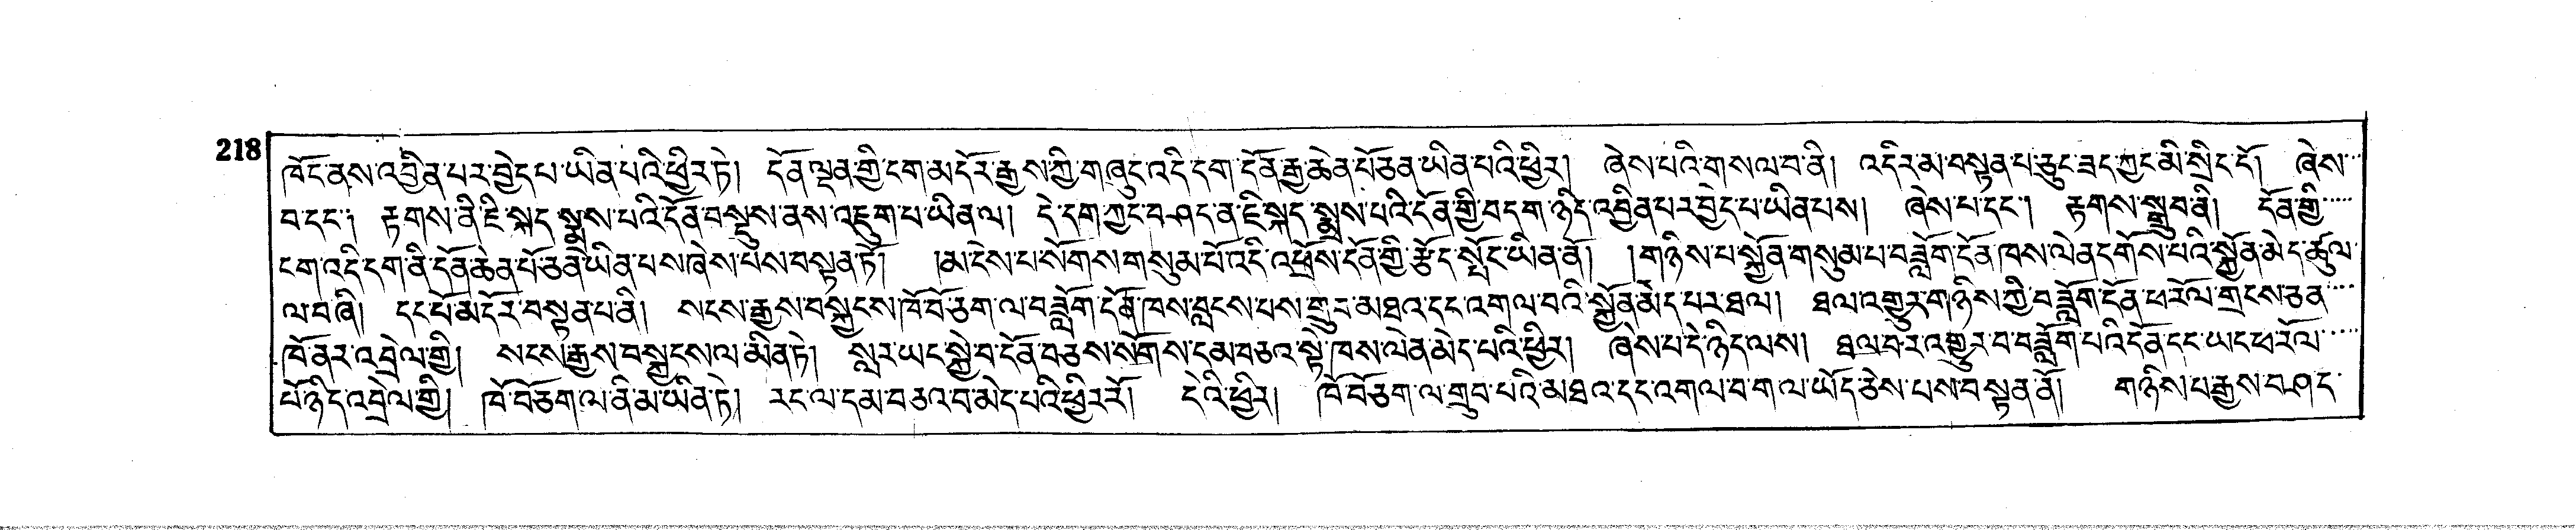ཁོང་ནས་འབྱིན་པར་བྱེད་པ་ཡིན་པའི་ཕྱིར་ཏེ། དོན་ལྡན་གྱི་ངག་མདོར་རྒྱས་ཀྱི་གཞུང་འདི་དག་དོན་རྒྱ་ཆེན་པོ་ཅན་ཡིན་པའི་ཕྱིར། ཞེས་པའི་གསལ་བ་ནི། འདིར་མ་བསྟན་པ་ཅུང་ཟད་ཀྱང་མི་སྲིད་ངོ། ཞེས་
བ་དང་། རྟགས་ནི་ཇི་སྐད་སྨྲས་པའི་དོན་བསྡུས་ནས་འཇུག་པ་ཡིན་ལ། དེ་དག་ཀྱང་བཤད་ན་ཇི་སྐད་སྨྲས་པའི་དོན་གྱི་བདག་ཉིད་འབྱིན་པར་བྱེད་པ་ཡིན་པས། ཞེས་པ་དང་། རྟགས་སྒྲུབ་ནི། དོན་གྱི་
ངག་འདི་དག་ནི་དོན་ཆེན་པོ་ཅན་ཡིན་པས་ཞེས་པས་བསྟན་ཏོ། །མ་ངེས་པ་སོགས་གསུམ་པོ་འདི་འཕྲོས་དོན་གྱི་རྩོད་སྤོང་ཡིན་ནོ། །གཉིས་པ་སྐྱོན་གསུམ་པ་བཟློག་དོན་ཁས་ལེན་དགོས་པའི་སྐྱོན་མེད་ཚུལ་
ལ་བཞི། དང་པོ་མདོར་བསྟན་པ་ནི། སངས་རྒྱས་བསྐྱངས་ཁོ་བོ་ཅག་ལ་བཟློག་དོན་ཁས་བླངས་པས་གྲུབ་མཐའ་དང་འགལ་བའི་སྐྱོན་མེད་པར་ཐལ། ཐལ་འགྱུར་གཉིས་ཀྱི་བཟློག་དོན་ཕ་རོལ་གྲངས་ཅན་
ཁོ་ནར་འབྲེལ་གྱི། སངས་རྒྱས་བསྐྱངས་ལ་མིན་ཏེ། སླར་ཡང་སྐྱེ་བ་དོན་བཅས་སོགས་དམ་བཅའ་སྟེ་ཁས་ལེན་མེད་པའི་ཕྱིར། ཞེས་པ་དེ་ཉིད་ལས། ཐལ་བར་འགྱུར་བ་བཟློག་པའི་དོན་དང་ཡང་ཕ་རོལ་
པོ་ཉིད་འབྲེལ་གྱི། ཁོ་བོ་ཅག་ལ་ནི་མ་ཡིན་ཏེ། རང་ལ་དམ་བཅའ་བ་མེད་པའི་ཕྱིར་རོ། དེའི་ཕྱིར། ཁོ་བོ་ཅག་ལ་གྲུབ་བའི་མཐའ་དང་འགལ་བ་ག་ལ་ཡོད་ཅེས་པས་བསྟན་ནོ། གཉིས་པ་རྒྱས་བཤད་